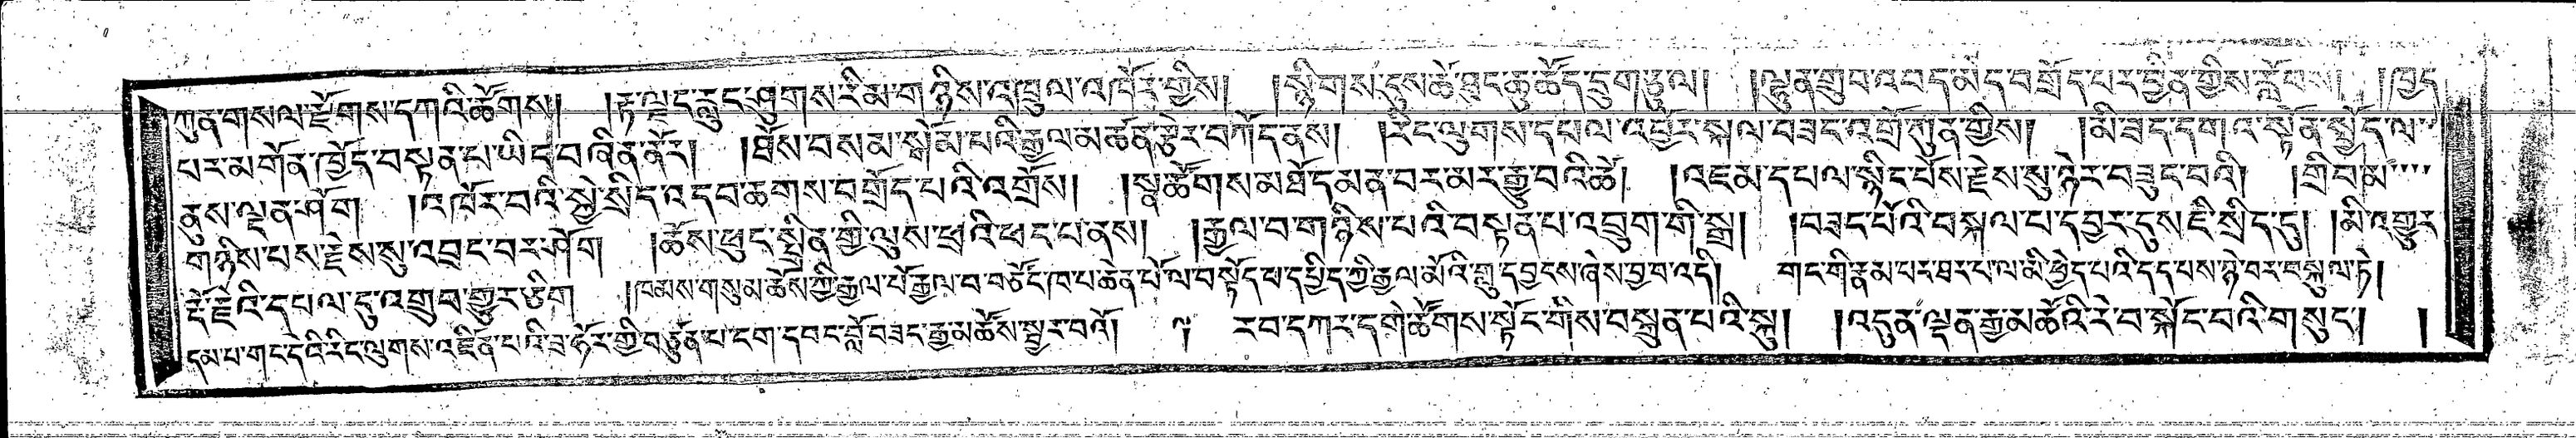ཀུན་གསལ་རྫོགས་དཀའི་ཚོགས། །རྟ་ལྗང་རླུང་ཤུགས་རིམ་གཉིས་འཁྲུལ་འཁོར་གྱིས། །སྙིགས་དུས་ཚེ་ཐུང་ཆུ་ཚོད་དྲུག་ཅུ་ལ། །ལྷུན་གྲུབ་འབད་མེད་བགྲོད་པར་བྱིན་གྱིས་རློབས། །ཁྱད་
པར་མགོན་ཁྱོད་བསྟན་པ་ཡིད་བཞིན་ནོར། །ཐོས་བསམ་སྒོམ་པའི་རྒྱལ་མཚན་རྩེར་བཀོད་ནས། །རིང་ལུགས་དཔལ་འབྱོར་སྐལ་བཟང་འགྲོ་ཀུན་གྱིས། །མི་ཟད་དགའ་སྟོན་སྤྱོད་ལ་
ནུས་ལྡན་ཤོག །འཁོར་བའི་སྐྱེ་སྲིད་འདབ་ཆགས་བགྲོད་པའི་འགྲོས། །སྣ་ཚོགས་མཐོ་དམན་བར་མར་རྒྱུ་བའི་ཚེ། །འཇམ་དཔལ་སྙིང་པོས་རྗེས་སུ་ཉེར་བཟུང་བའི། །གྲིབ་མ་
གཉིས་པས་རྗེས་སུ་འབྲང་བར་ཤོག །ཆོས་ཕུང་སྤྲིན་གྱི་ལུས་ཕྲའི་ཕང་པ་ནས། །རྒྱལ་བ་གཉིས་པའི་བསྟན་པ་འབྲུག་གི་སྒྲ། །བཟང་པོའི་བསྐལ་པ་དབྱར་དུས་ཇི་སྲིད་དུ། །མི་འགྱུར་
རྡོ་རྗེའི་དཔལ་དུ་འགྲུབ་གྱུར་ཅིག །ཁམས་གསུམ་ཆོས་ཀྱི་རྒྱལ་པོ་རྒྱལ་བ་བཙོང་ཁ་པ་ཆེན་པོ་ལ་བསྟོད་པ་དཔྱིད་ཀྱི་རྒྱལ་མོའི་གླུ་དབྱངས་ཞེས་བྱ་བ་འདི། གང་གི་རྣམ་པར་ཐར་པ་ལ་མི་ཕྱེད་པའི་དད་པས་ཉེ་བར་བསྐུལ་ཏེ།
དམ་པ་གང་དེའི་རིང་ལུགས་འཛིན་པའི་ཟ་ཧོར་གྱི་བཙུན་པ་ངག་དབང་བློ་བཟང་རྒྱ་མཚོས་སྦྱར་བའོ། ༈ རབ་དཀར་དགེ་ཚོགས་སྟོང་གིས་བསྐྲུན་པའི་སྐུ། །འདུན་ལྡན་རྒྱ་མཚོའི་རེ་བ་སྐོང་བའི་གསུང་། །